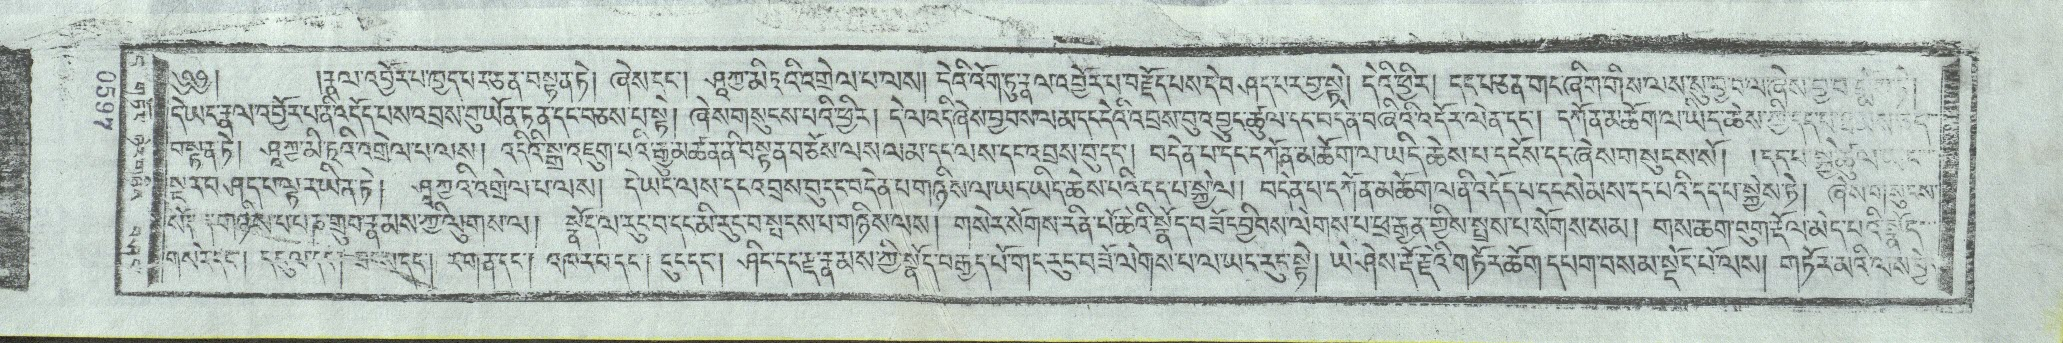༄༅། །རྣལ་འབྱོར་པ་ཁྱད་པར་ཅན་བསྟན་ཏེ། ཞེས་དང་། ཤཱཀྱ་མི་ཏྲའི་འགྲེལ་པ་ལས། དེའི་འོག་ཏུ་རྣལ་འབྱོར་པ་བརྗོད་པས་དེ་བཤད་པར་བྱ་སྟེ། དེའི་ཕྱིར། དད་པ་ཅན་གང་ཞིག་གིས་ལས་སུ་བྱ་བ་ལ་ཞེས་བྱ་བ་སྨོས་ཏེ།
དེ་ཡང་རྣལ་འབྱོར་པ་ནི་འདོད་པས་འབྲས་བུ་ཡོན་ཏན་དང་བཅས་པ་སྟེ། ཞེས་གསུངས་པའི་ཕྱིར། དེ་ལ་འདི་ཞེས་བྱ་བས་ལམ་དང་དེའི་འབྲས་བུ་འབྱུང་ཚུལ་དང་བདེན་བཞིའི་འདོར་ལེན་དང་། དཀོན་མཆོག་ལ་ཡིད་ཆེས་ཀྱི་དད་པ་ཐམས་ཅད་
བསྟན་ཏེ། ཤཱཀྱ་མི་ཏྲའི་འགྲེལ་པ་ལས། འདིའི་སྒྲ་འཇུག་པའི་རྒྱུ་མཚན་ནི་བསྟན་བཅོས་ལས་ལམ་དང་ལས་དང་འབྲས་བུ་དང་། བདེན་པ་དང་དཀོན་མཆོག་ལ་ཡིད་ཆེས་པ་དངོས་དང་ཞེས་གསུངས་སོ། །དད་པ་སྐྱེ་ཚུལ་ཡང་
སྔར་བཤད་པ་ལྟར་ཡིན་ཏེ། ཤཱཀྱའི་འགྲེལ་པ་ལས། དེ་ཡང་ལས་དང་འབྲས་བུ་དང་བདེན་པ་གཉིས་ལ་ཡང་ཡིད་ཆེས་པའི་དད་པ་སྐྱེ་ལ། བདེན་པ་དཀོན་མཆོག་ལ་ནི་འདོད་པ་དང་སེམས་དང་པའི་དད་པ་སྐྱེས་ཏེ། ཞེས་གསུངས་
སོ༑ ༑གཉིས་པ་པཎ་གྲུབ་རྣམས་ཀྱི་ལུགས་ལ། སྣོད་ལ་རུང་བ་དང་མི་རུང་བ་སྤངས་པ་གཉིས་ལས། གསེར་སོགས་རིན་པོ་ཆེའི་སྣོད་བཟོ་དབྱིབས་ལེགས་པ་ཕྲ་རྒྱན་གྱིས་སྤྲས་པ་སོགས་སམ། གས་ཆག་བུག་རྡོལ་མེད་པའི་སྣོད་
གསེར་དང་། དངུལ་དང་། ཟངས་དང་། རག་ན་དང་། འཁར་བ་དང་། དུང་དང་། ཤིང་དང་རྫ་རྣམས་ཀྱི་སྣོད་བརྒྱད་པོ་གང་རུང་བཟོ་ལེགས་པ་ལ་ཡང་རུང་སྟེ། ཡེ་ཤེས་རྡོ་རྗེའི་གཏོར་ཆོག་དཔག་བསམ་སྡོང་པོ་ལས། གཏོར་མའི་ལས་བྱེད་